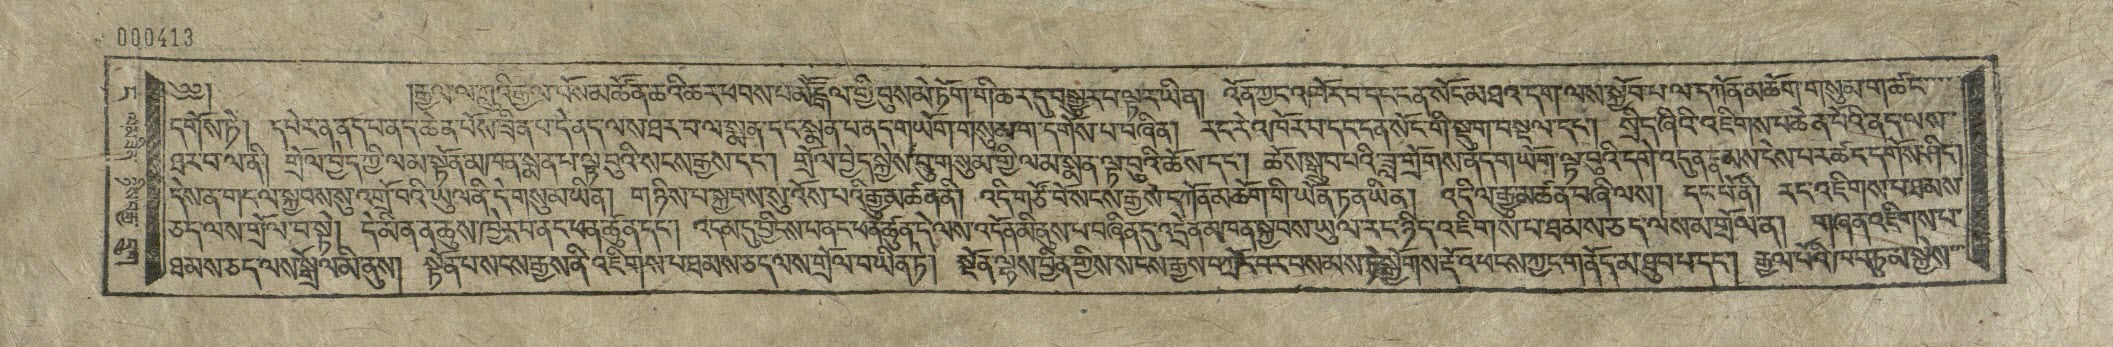༄༅། །རྒྱལ་ལ་ཀླུའི་རྒྱལ་པོས་མཚོན་ཆའི་ཆར་ཕབས་པ་མཽངྒལ་གྱི་བུས་མེ་ཏོག་གི་ཆར་དུ་བསྒྱུར་བ་ལྟར་ཡིན། འོན་ཀྱང་འཁོར་བ་དང་ངན་སོང་མཐའ་དག་ལས་སྐྱོབ་པ་ལ་དཀོན་མཆོག་གསུམ་ག་ཚང་
དགོས་ཏེ། དཔེར་ན་ནད་པ་ནད་ཆེན་པོས་ཟིན་པ་དེ་ནད་ལས་ཐར་བ་ལ་སྨན་དང་སྨན་པ་ནད་གཡོག་གསུམ་ག་དགོས་པ་བཞིན། རང་རེ་འཁོར་བ་དང་ངན་སོང་གི་སྡུག་བསྔལ་དང་། སྲིད་ཞིའི་འཇིགས་པ་ཆེན་པོའི་ནད་ལས་
ཐར་བ་ལ་ནི། གྲོལ་བྱེད་ཀྱི་ལམ་སྟོན་མཁན་སྨན་པ་ལྟ་བུའི་སངས་རྒྱས་དང་། གྲོལ་བྱེད་སྐྱེས་བུ་གསུམ་གྱི་ལམ་སྨན་ལྟ་བུའི་ཆོས་དང་། ཆོས་སྒྲུབ་པའི་ཟླ་གྲོགས་ནད་གཡོག་ལྟ་བུའི་དགེ་འདུན་རྣམས་ངེས་པར་ཚང་དགོས་ཤིང་།
དེས་ན་གང་ལ་སྐྱབས་སུ་འགྲོ་བའི་ཡུལ་ནི་དེ་གསུམ་ཡིན། གཉིས་པ་སྐྱབས་སུ་འོས་པའི་རྒྱུ་མཚན་ནི། འདི་གཙོ་བོ་སངས་རྒྱས་དཀོན་མཆོག་གི་ཡོན་ཏན་ཡིན། འདི་ལ་རྒྱུ་མཚན་བཞི་ལས། དང་པོ་ནི། རང་འཇིགས་པ་ཐམས་
ཅད་ལས་གྲོལ་བ་སྟེ། དེ་མིན་ན་ཆུས་ཁྱེར་བ་ནང་ཕན་ཚུན་དང་། འདམ་དུ་བྱིངས་པ་ནང་ཕན་ཚུན་དེ་ལས་འདོན་མི་ནུས་པ་བཞིན་དུ་འདྲེན་མཁན་སྐྱབས་ཡུལ་རང་ཉིད་འཇིགས་པ་ཐམས་ཅད་ལས་མ་གྲོལ་ན། གཞན་འཇིགས་པ་
ཐམས་ཅད་ལས་སྒྲོལ་མི་ནུས། སྟོན་པ་སངས་རྒྱས་ནི་འཇིགས་པ་ཐམས་ཅད་ལས་གྲོལ་བ་ཡིན་ཏེ། སྔོན་ལྷས་བྱིན་གྱིས་སངས་རྒྱས་བཀྲོང་བར་བསམས་ཏེ་སྒྱོགས་རྡོ་འཕངས་ཀྱང་གནོད་མ་ཐུབ་པ་དང་། རྒྱལ་པོའི་ཁབ་ཏུ་མ་སྐྱེས་